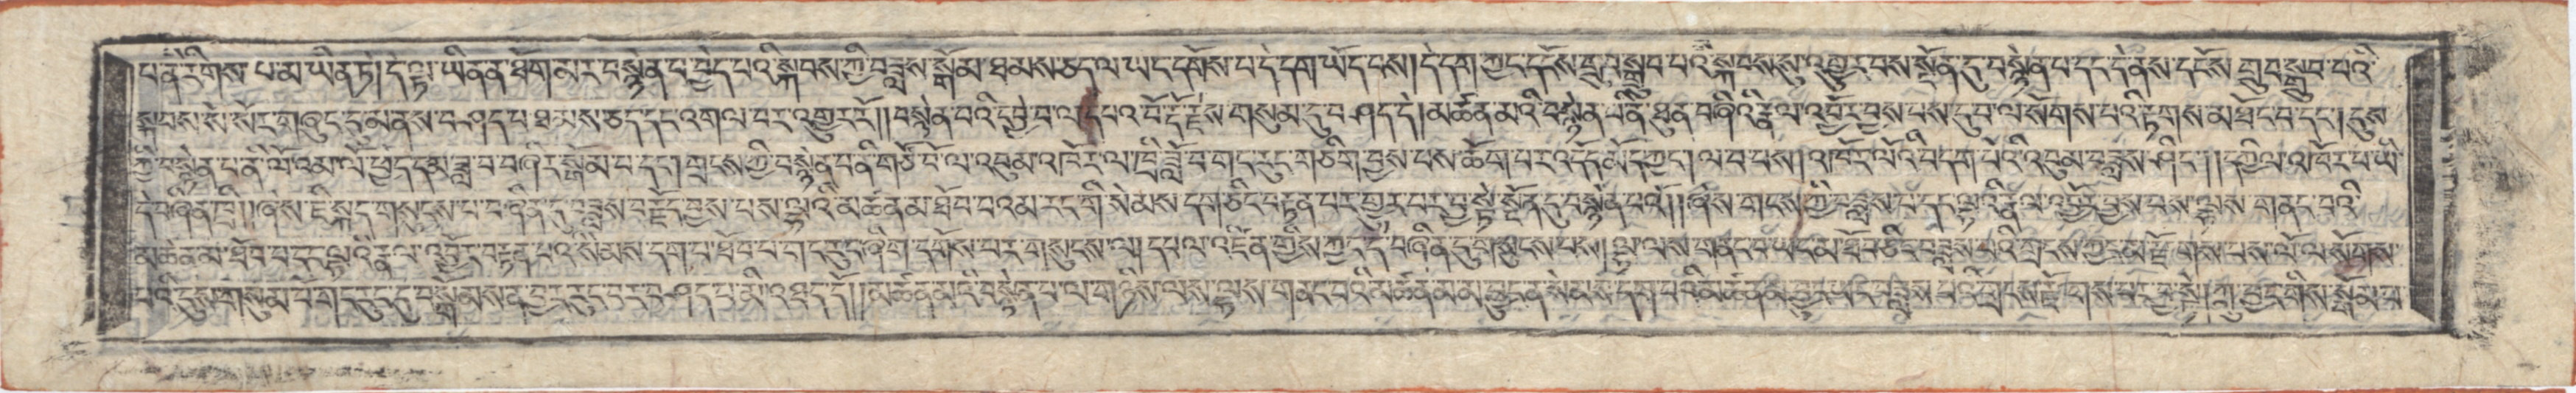པ་ནི་རིགས་པ་མ་ཡིན་ཏེ། དེ་ལྟ་ཡིན་ན་ཐོག་མར་བསྙེན་པ་བྱེད་པའི་སྐབས་ཀྱི་བཟླས་སྒོམ་ཐམས་ཅད་ལ་ཡང་དགོས་པ་དེ་དག་ཡོད་པས། དེ་དག་ཀྱང་དངོས་གྲུབ་སྒྲུབ་པའི་སྐབས་སུ་འགྱུར་བས་སྔོན་དུ་བསྙེན་པ་དང་དེ་ནས་དངོས་གྲུབ་སྒྲུབ་པའི་
སྐབས་སོ་སོར་གཞུང་དུ་མ་ནས་བཤད་པ་ཐམས་ཅད་དང་འགལ་བར་འགྱུར་རོ། །བསྙེན་པའི་དབྱེ་བ་ལ་དཔའ་བོ་རྡོ་རྗེས་གསུམ་དུ་བཤད་དེ། མཚན་མའི་བསྙེན་པ་ནི་ཐུན་བཞིའི་རྣལ་འབྱོར་བྱས་པས་དུ་བ་ལ་སོགས་པའི་རྟགས་མཐོང་བ་དང་། དུས་
ཀྱི་བསྙེན་པ་ནི་ལོ་འམ་ལོ་ཕྱེད་དམ་ཟླ་བ་བཞིར་སྒོམ་པ་དང་། གྲངས་ཀྱི་བསྙེན་པ་ནི་གཙོ་བོ་ལ་འབུམ་འཁོར་ལ་ཁྲི་ཟློ་བ་གང་རུང་གཅིག་བྱས་པས་ཆོག་པར་འདོད་མོད་ཀྱང་། ལ་བ་པས། འཁོར་ལོའི་བདག་པོའི་འབུམ་བཟླས་ཤིང་། །དཀྱིལ་འཁོར་པ་ཡི་
དེ་བཞིན་ཁྲི། །ཞེས་ཇི་སྐད་གསུངས་པ་བཞིན་དུ་བཟླས་བརྗོད་བྱས་པས་ལྷའི་མཚན་མ་ཐོབ་པའམ་རང་གི་སེམས་དག་ཅིང་བརྟན་པར་གྱུར་པར་བྱ་སྟེ་སྔོན་དུ་བསྙེན་པའོ། །ཞེས་གངས་ཀྱི་བཟླས་པ་དང་ལྷའི་རྣལ་འབྱོར་བྱས་པས་ལྷས་གནང་བའི་
མཚན་མ་ཐོབ་པ་དང་ལྷའི་རྣལ་འབྱོར་བརྟན་པའི་སེམས་དག་པ་ཐོབ་པ་གང་རུང་ཞིག་དགོས་པར་གསུངས་ལ། དཔལ་འཛིན་གྱིས་ཀྱང་དེ་བཞིན་དུ་གསུངས་པས། ལྷ་ལས་གནང་བ་ཡང་མ་ཐོབ་ཅིང་བཟླས་པའི་གྲངས་ཀྱང་མ་རྫོགས་པས་ལོ་ལ་སོགས་
པའི་དུས་གསུམ་པོ་གང་རུང་དུ་བསྒོམས་ན་བྱར་རུང་བར་བཤད་པ་མི་འཐད་དོ། །མཚན་མའི་བསྙེན་པ་ལ་གཉིས་ལས་ལྷས་གནང་བའི་མཚན་མ་མ་བྱུང་ན་སེམས་དག་པའི་མཚན་མ་བྱུང་ཡང་བཟླས་པའི་གྲངས་རྫོགས་པར་བྱ་སྟེ། ཀླུ་བྱང་གིས་སྒོམ་པ་